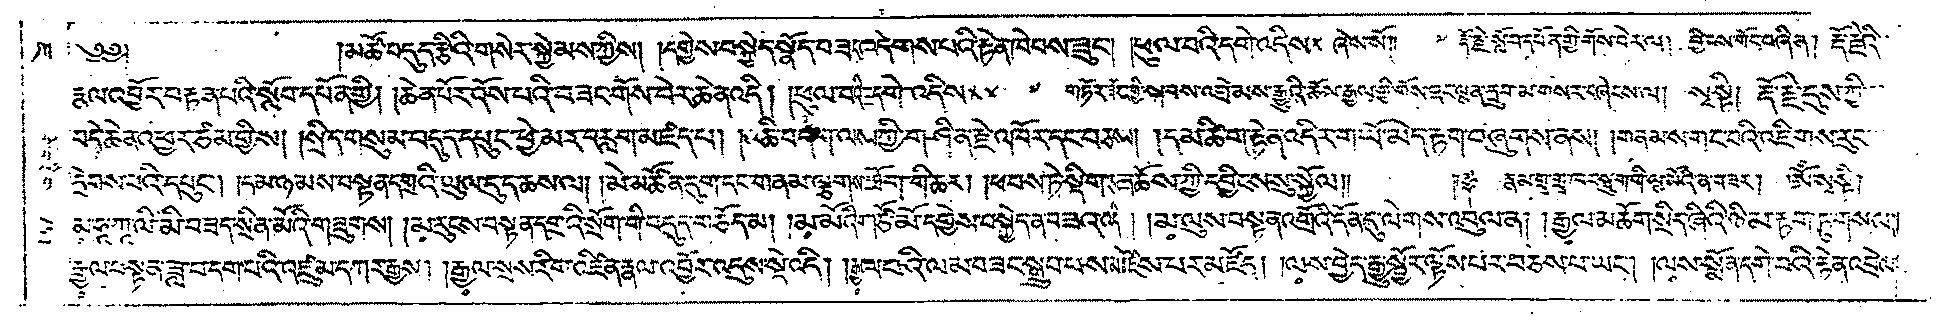༄༅། །མཚོ་བདུད་རྩིའི་གསེར་སྐྱེམས་ཀྱིས། །དགྱེས་བསྐྱེད་སྣོད་བཟང་འདེགས་པའི་རྟེན་ཁེབས་ཟུང་། །ཕུལ་བའི་དགེ་འདིས་྾་ཞེས་སོ།། ༧་རྡོ་རྗེ་སློབ་དཔོན་གྱི་གོས་བེར་ལ། བྱིངས་གོང་བཞིན།  རྡོ་རྗེའི་
རྣལ་འབྱོར་བརྟན་པའི་སློབ་དཔོན་གྱི། །ཆེན་པོར་འོས་པའི་བཟང་གོས་བེར་ཆེན་འདི། །ཕུལ་བའི་དགེ་འདིས་྾་྾་༧་གཏོར་ཟོར་གྱི་སྐབས་འགྲེམས་རྒྱུའི་ཆོས་རྒྱལ་གྱི་གོས་ཐང་ལྷན་དྲུབ་མ་གསར་བཞེངས་ལ།  སྭ་སྟི། རྡོ་རྗེ་དུས་ཀྱི་
བདེ་ཆེན་འཕྱར་ཙམ་གྱིས། །སྲིད་གསུམ་བདུད་དཔུང་ཕྱེ་མར་བརླག་མཛད་པ། །འཆི་བདག་ལས་ཀྱི་གཤིན་རྗེ་འཁོར་དང་བཅས། །དམ་ཚིག་རྟེན་འདིར་གཡོ་མེད་རྟག་བཞུགས་ནས། །གནམ་ས་གང་བའི་འཇིགས་རུང་
དྲེགས་པའི་དཔུང་། །དམ་ཉམས་བསྟན་དགྲའི་ཡུལ་དུ་ད་ཆས་ལ། །མེ་མཚོན་དུག་དང་གནམ་ལྕགས་ཐོག་གི་ཆར། །ཕབས་ཏེ་སྡིག་ཅན་ཆོས་ཀྱི་དབྱིངས་སུ་སྐྱོལ།། །། ༈ རྣམ་གྲྭ་གྲྭ་ཁང་སྦུག་གི་ལྷ་མོའི་ན་བཟར།  ཨོཾ་སྭ་སྟི།
མ྾་ཧཱ་ཀཱ་ལི་མི་བཟད་སྲིན་མོའི་གཟུགས། །མ྾་རུངས་བསྟན་དགྲའི་སྲོག་གི་བདུད་གཅོད་མ། །མ྾་མོའི་གཙོ་མོ་དགྱེས་བསྐྱེད་ན་བཟའ་འདི། །མ྾་ལུས་བསྟན་འགྲོའི་དོན་དུ་ལེགས་འབུལ་ན། །རྒྱལ྾་མཆོག་སྲིད་ཞིའི་ཉི་མ་རྟག་ཏུ་གསལ།
རྒྱལ྾་བསྟན་ཟླ་བ་དག་པའི་འཛུམ་དཀར་རྒྱས། །རྒྱལ྾་སྲས་རིག་འཛིན་རྣལ་འབྱོར་འདུས་སྡེ་འདི། །རྒྱལ྾་བའི་ལམ་བཟང་སྒྲུབ་པས་མཛེས་པར་མཛོད། །ལས྾་བྱེད་རྒྱུ་སྦྱོར་ལྟོས་པར་བཅས་པ་ཡང་། །ལས྾་སྨོན་དགེ་བའི་རྟེན་འབྲེལ་